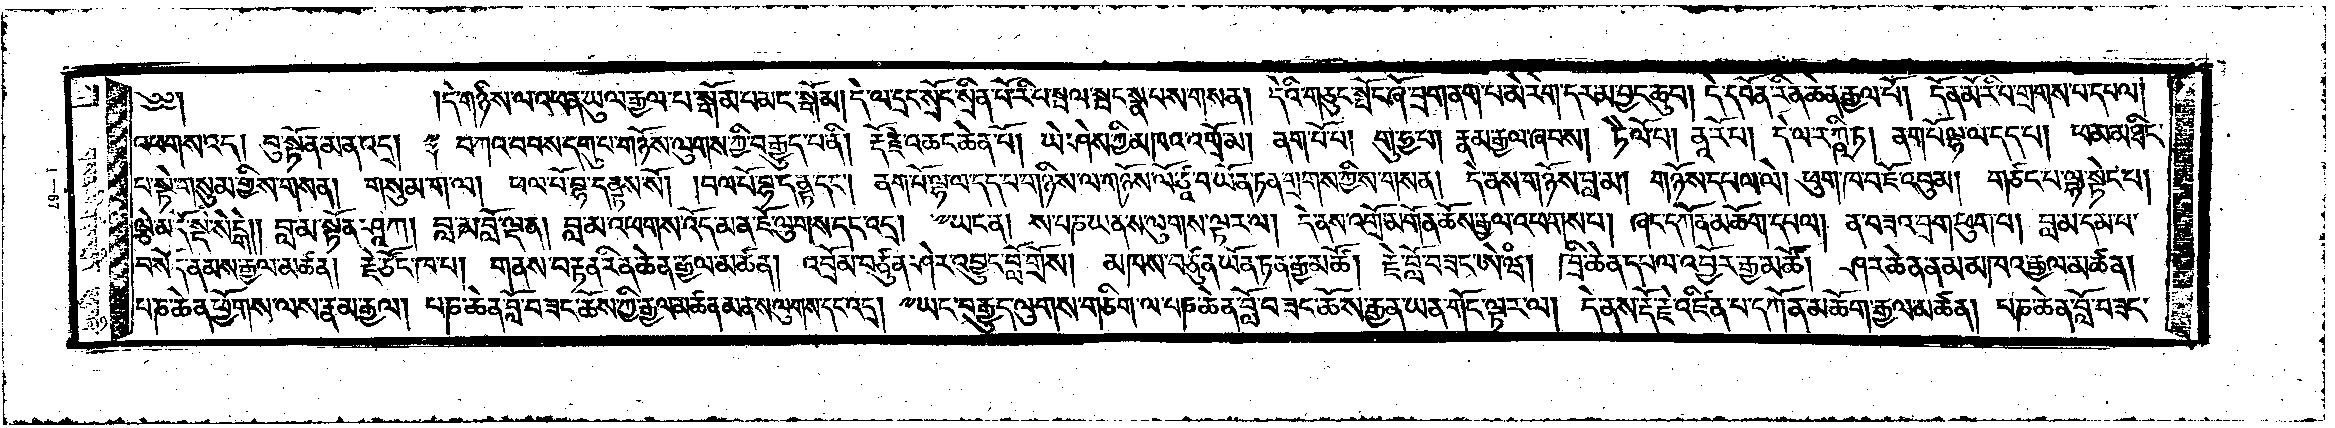༄༅། །དེ་གཉིས་ལ་འཕན་ཡུལ་རྒྱལ་པ་སྒོམ་པ་མང་སྒོམ། དེ་ལ་དྲང་སྲོང་སྲིན་པོ་རི་པ་སྤལ་སྤང་སྣ་པས་གསན། དེའི་གཅུང་སྤོང་ཞོ་བྲག་ནག་པ་མེ་རེག་དར་མ་བྱང་ཆུབ། དེ་དབོན་རིན་ཆེན་རྒྱལ་པོ། དོན་མོ་རི་པ་གྲགས་པ་དཔལ།
འཕགས་འོད། བུ་སྟོན་མན་འདྲ། འ་བཀའ་བབས་དགུ་པ་གཉོས་ལུགས་ཀྱི་བརྒྱུད་པ་ནི། རྡོ་རྗེ་འཆང་ཆེན་པོ། ཡེ་ཤེས་ཀྱི་མཁའ་འགྲོ་མ། ནག་པོ་པ། གུ་ཧྱ་པ། རྣམ་རྒྱལ་ཞབས། ཏཻ་ལོ་པ། ནཱ་རོ་པ། དེ་ལ་རཀྵིཏ། ནག་པོ་ལྷ་ལ་དད་པ། ཕམ་མཐིང་
པ་སྟེ་གསུམ་གྱིས་གསན། གསུམ་ག་ལ། ཕལ་པོ་བྷ་དནྟས་སོ། །བལ་པོ་བྷ་དནྟ་དང་། ནག་པོ་ལྷ་ལ་དད་པ་གཉིས་ལ་གཉོས་ལོ་ཙཱ་བ་ཡོན་ཏན་གྲགས་ཀྱིས་གསན། དེ་ནས་གཉོས་བླ་མ། གཉོས་དཔལ་ལེ། ཕུག་ཁ་བ་ཇོ་འབུམ། གཙང་པ་ལྷ་སྟེང་པ།
ལྕེ་མདོ་སྡེ་སེངྒེ། བླ་མ་སྟོན་ཤཱཀ། བླ་མ་བློ་ལྡན། བླ་མ་འཕགས་འོད་མན་ཇོ་ལུགས་དང་འདྲ། ༧ཡང་ན། ས་པཎ་ཡན་ས་ལུགས་ལྟར་ལ། དེ་ནས་འགྲོ་མགོན་ཆོས་རྒྱལ་འཕགས་པ། ཞང་དཀོན་མཆོག་དཔལ། ན་བཟའ་བྲག་ཕུག་པ། བླ་མ་དམ་པ་
བསོད་ནམས་རྒྱལ་མཚན། རྗེ་ཙོང་ཁ་པ། གནས་བརྟེན་རིན་ཆེན་རྒྱལ་མཚན། འབྲོམ་བཙུན་ཤེར་འབྱུང་བློ་གྲོས། མཁས་བཙུན་ཡོན་ཏན་རྒྱ་མཚོ། རྗེ་བློ་བཟང་ཨེ་ཝཾ། ཁྲི་ཆེན་དཔལ་འབྱོར་རྒྱ་མཚོ། ཤར་ཆེན་ནམ་མཁའ་རྒྱལ་མཚན།
པཎ་ཆེན་ཕྱོགས་ལས་རྣམ་རྒྱལ། པཎ་ཆེན་བློ་བཟང་ཆོས་ཀྱི་རྒྱལ་མཚན་མན་ས་ལུགས་དང་འདྲ། འྱང་བརྒྱུད་ལུགས་གཅིག་པ་པཎ་ཆེན་བློ་བཟང་ཆོས་རྒྱན་ཡན་གོང་ལྟར་ལ། དེ་ནས་རྡོ་རྗེ་འཛིན་པ་དཀོན་མཆོག་རྒྱལ་མཚན། པཎ་ཆེན་བློ་བཟང་